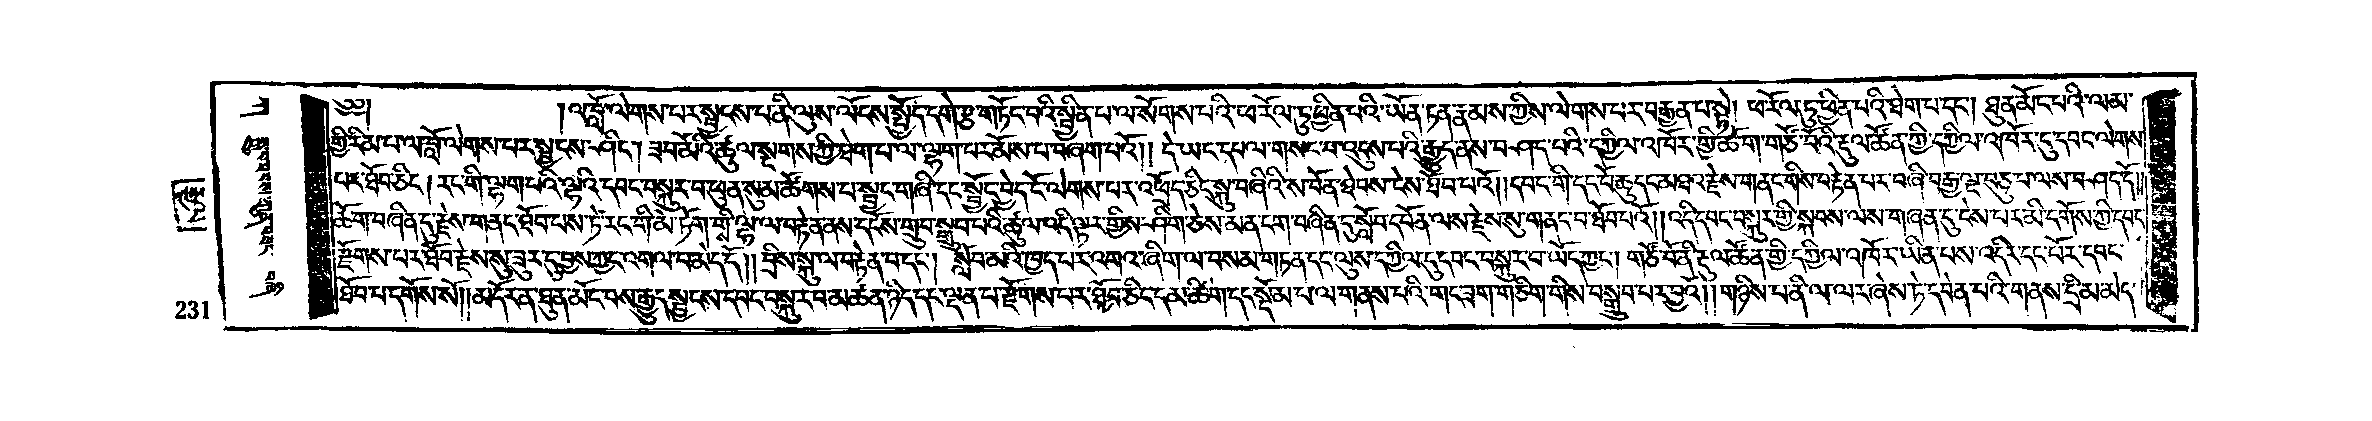༄༅། །ལ་བློ་ལེགས་པར་སྦྱངས་པ་ནི་ལུས་ལོངས་སྤྱོད་དགེ་རྩ་གཏོང་པའི་སྦྱིན་པ་ལ་སོགས་པའི་ཕ་རོལ་ཏུ་ཕྱིན་པའི་ཡོན་ཏན་རྣམས་ཀྱིས་ལེགས་པར་བརྒྱན་པ་སྟེ། ཕ་རོལ་ཏུ་ཕྱིན་པའི་ཐེག་པ་དང་། ཐུན་མོང་བའི་ལམ་
གྱི་རིམ་པ་ལ་བློ་ལེགས་པར་སྦྱངས་ཤིང་། ཟབ་མོའི་ཚུལ་སྔགས་ཀྱི་ཐེག་པ་ལ་ལྷག་པར་མོས་པ་བཞག་པའོ། །དེ་ཡང་དཔལ་གསང་བ་འདུས་པའི་རྒྱུད་ནས་བཤད་པའི་དཀྱིལ་འཁོར་གྱི་ཆོ་ག་གཙོ་བོའི་རྡུལ་ཚོན་གྱི་དཀྱིལ་འཁོར་དུ་དབང་ལེགས་
པར་ཐོབ་ཅིང་། རང་གི་ལྷག་པའི་ལྷའི་དབང་བསྐུར་བ་ཕུན་སུམ་ཚོགས་པ་སྦྱང་གཞི་དང་སྦྱོང་བྱེད་ངོ་ལེགས་པར་འཕྲོད་ཅིང་སྐུ་བཞིའི་ས་བོན་ཐེབས་ངེས་ཐོབ་པའོ། །དབང་གི་དང་པོ་ཆུ་དང་མཐའ་རྗེས་གནང་གིས་བརྟེན་པར་བཞི་བརྒྱ་ལྔ་བཅུ་པ་ལས་བཤད་དོ། །
ཆོ་ག་བཞིན་དུ་རྗེས་གནང་ཐོབ་པས་ཏེ་རང་གི་མེ་ཏོག་གིས་ལྷ་ལ་བརྟེན་ནས་དངོས་གྲུབ་སྒྲུབ་པའི་ཚུལ་འདི་ལྟར་གྱིས་ཤིག་ཅེས་མན་ངག་བཞིན་དུ་སློབ་དཔོན་ལས་རྗེས་སུ་གནང་བ་ཐོབ་པའོ། །འདི་དབང་བསྐུར་གྱི་སྐབས་ལས་གཞན་དུ་ངེས་པར་མི་དོགས་ཀྱི་དབང་
རྫོགས་པར་ཐོབ་རྗེ་སུ་ཟུར་དུ་བྱས་ཀྱང་འགལ་བ་མེད་དོ། །བྲིས་སྐུ་ལ་བརྟེན་པ་དང་། སློབ་མའི་ཁྱད་པར་འགའ་ཞིག་ལ་བསམ་གཏན་དང་ལུས་དཀྱིལ་དུ་དབང་བསྐུར་བ་ཡོད་ཀྱང་། གཙོ་བོ་ནི་རྡུལ་ཚོན་གྱི་དཀྱིལ་འཁོར་ཡིན་པས་འདིར་དང་པོར་དབང་
ཐོབ་པ་དགོས་སོ། །མདོར་ན་ཐུན་མོང་བས་རྒྱུད་སྦྱངས་དབང་བསྐུར་བ་མཚན་ཉིད་དང་ལྡན་པ་རྫོགས་པར་ཐོབ་ཅིང་དམ་ཚིག་དང་སྡོམ་པ་ལ་གནས་པའི་གང་ཟག་གཅིག་གིས་བསྒྲུབ་པར་བྱའོ། །གཉིས་པ་ནི་ལ་ལར་ཞེས་ཏེ་དབེན་པའི་གནས་དྲི་མ་མེད་